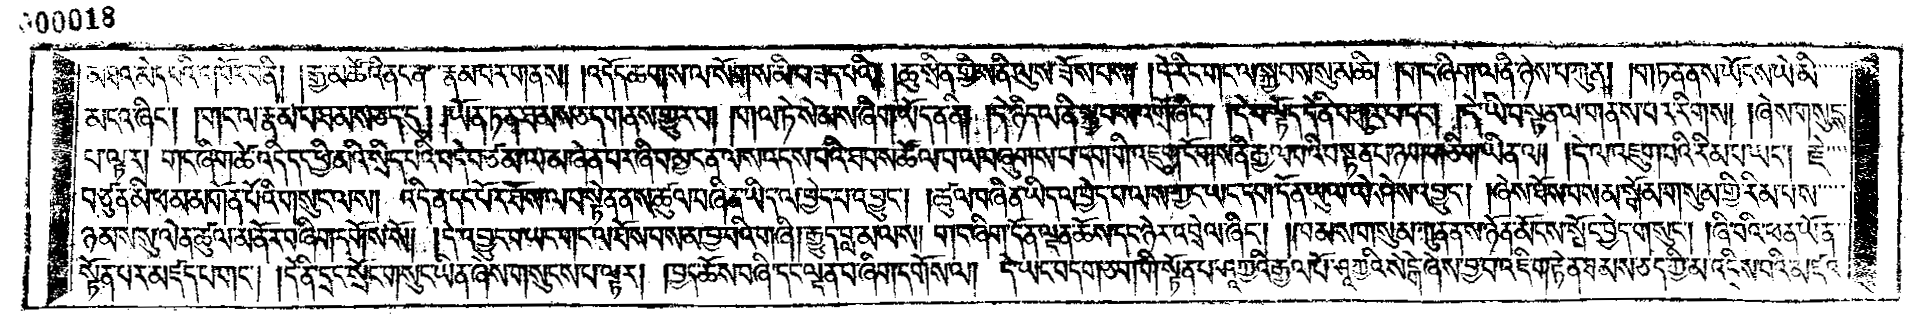མཐའ་མེད་པའི་འཁོར་བ་ནི། །རྒྱ་མཚོའི་ནང་ན་རྣམ་པར་གནས། །འདོད་ཆགས་ལ་སོགས་མི་བཟད་པའི། །ཆུ་སྲིན་གྱིས་ནི་ལུས་ཟོས་པས། །དེ་རིང་གང་ལ་སྐྱབས་སུ་མཆི། །གང་ཞིག་ལ་ནི་ཉེས་པ་ཀུན། །གཏན་ནས་ཡོངས་ཡེ་མི་
མངའ་ཞིང་། །གང་ལ་རྣམ་པ་ཐམས་ཅད་དུ། །ཡོན་ཏན་ཐམས་ཅད་གནས་གྱུར་བ། །གལ་ཏེ་སེམས་ཞིག་ཡོད་ན་ནི། །དེ་ཉིད་ལ་ནི་སྐྱབས་འགྲོ་ཞིང་། །དེ་བསྟོད་དེ་ནི་བཀུར་བ་དང་། །དེ་ཡི་བསྟན་ལ་གནས་པར་རིགས། །ཞེས་གསུངས་
པ་ལྟར། གང་ཞིག་ཚེ་འདི་དང་ཕྱི་མའི་སྲིད་པའི་བདེ་བ་ཙམ་ལ་མ་ཞེན་པར་ཞི་བ་མྱ་ངན་ལས་འདས་པའི་ཐབས་ཚོལ་བ་ལ་བཞུགས་པ་དག་གི་འཇུག་ངོགས་ནི་རྒྱལ་བའི་བསྟན་པ་ཉག་གཅིག་ཡིན་ལ། །དེ་ལ་འཇུག་པའི་རིམ་པ་ཡང་། རྗེ་
བཙུན་མི་ཕམ་མགོན་པོའི་གསུང་ལས། འདི་ན་དང་པོར་ཐོས་ལ་བསྟེན་ནས་ཚུལ་བཞིན་ཡིད་ལ་བྱེད་པ་འབྱུང་། །ཚུལ་བཞིན་ཡིད་ལ་བྱེད་པ་ལས་ཀྱང་ཡང་དག་དོན་ཡུལ་ཡེ་ཤེས་འབྱུང་། །ཞེས་ཐོས་བསམ་སྒོམ་གསུམ་གྱི་རིམ་པས་
ཉམས་སུ་ལེན་ཚུལ་མ་ནོར་བ་ཞིག་དགོས་སོ། །དེ་འབྱུང་བ་ཡང་གང་ལ་ཐོས་བསམ་བྱ་བའི་གཞི། རྒྱུད་བླ་མ་ལས། གང་ཞིག་དོན་ལྡན་ཆོས་དང་ཉེར་འབྲེལ་ཞིང་། །ཁམས་གསུམ་ཀུན་ནས་ཉོན་མོངས་སྤོང་བྱེད་གསུང་། །ཞི་བའི་ཕན་ཡོན་
སྟོན་པར་མཛད་པ་གང་། །དེ་ནི་དྲང་སྲོང་གསུང་ཡིན་ཞེས་གསུངས་པ་ལྟར། ཁྱད་ཆོས་བཞི་དང་ལྡན་པ་ཞིག་དགོས་ལ། དེ་ཡང་བདག་ཅག་གི་སྟོན་པ་ཤཱཀྱའི་རྒྱལ་པོ་ཤཱཀྱཱི་སེངྒེ་ཞེས་བྱ་བ་འཇིག་རྟེན་ཐམས་ཅད་ཀྱི་མ་འདྲིས་བའི་མཛའ་